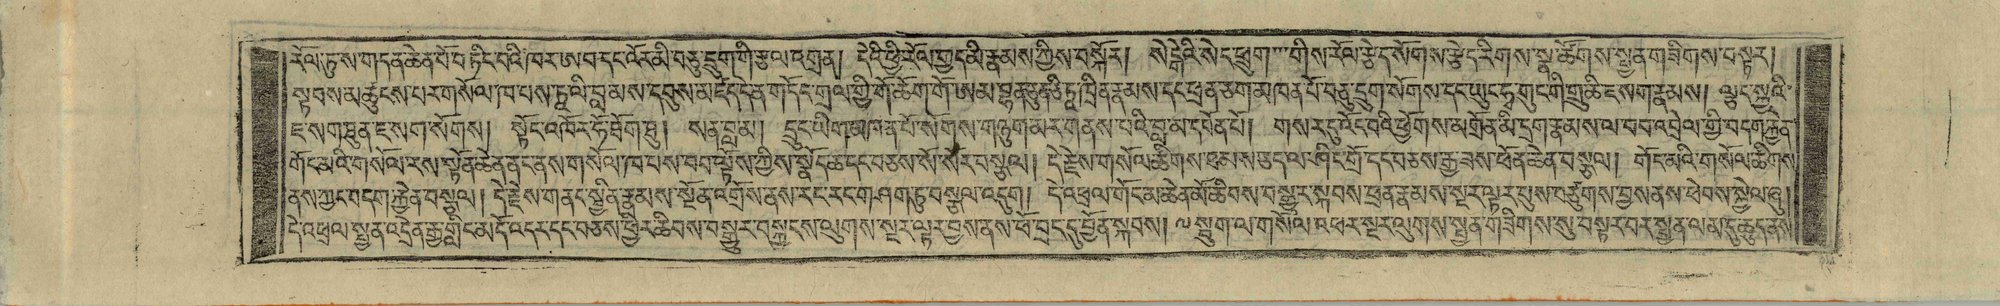རོལ་ཏུ་ས་གདན་ཆེན་པོ་བཏིང་བའི་ཁར་ཨབ་དང་འོར་མི་བཅུ་དྲུག་གི་རྩལ་འགྲན། དེའི་ཕྱི་རོལ་གྱད་མི་རྣམས་ཀྱིས་བསྐོར། སེངྒེའི་སེང་ཕྲུག་གིས་རོལ་རྩེད་སོགས་རྩེད་རིགས་སྣ་ཚོགས་སྤྱན་གཟིགས་བསྟར།
སྟབས་མཚུངས་པར་གསོལ་ཁ་པས་ཏཱ་ལི་བླ་མས་དབུས་མཛད་དེ་ན་གདོང་གྲལ་གྱི་གོ་ཆོག་གོ་ཨམ་བྷན་ཅུན་ཅི་ཏཱ་ཁྲིན་རྣམས་དང་ཕྲན་ཅག་མཁན་པོ་བཅུ་དྲུག་སོགས་དང་ཡུང་ཧྭ་གུང་གི་གྲུ་ཆི་ཇ་སག་རྣམས། ལྕང་སྐྱའི་
ཇ་སག་ཐུན་ཇ་སག་སོགས། སྟོང་འཁོར་ཧོ་ཐོག་ཐུ། སན་བླ་མ། དྲུང་ཡིག་མཁན་པོ་སོགས་གཉུག་མར་གནས་པའི་བླ་མ་དཔོན་པོ། གསར་དུ་འོང་བའི་ཕྱོགས་མགྲོན་མི་དྲག་རྣམས་ལ་བབ་འབྲེལ་གྱི་བདག་རྐྱེན་
གོང་མའི་གསོལ་རས་སྟོན་ཆེན་ནང་ནས་གསོལ་ཁ་པས་བབ་ལྟོས་ཀྱིས་སྣོད་ཆ་དང་བཅས་སོ་སོར་བསྩལ། དེ་རྗེས་གསོལ་ཚིགས་ཐམས་ཅད་ལ་ཤིང་གྲོ་དང་བཅས་རྒྱ་ཟས་ཕོན་ཆེན་བསྩལ། གོང་མའི་གསོལ་ཚིགས་
ནས་ཀྱང་བདག་རྐྱེན་བསྩལ། དེ་རྗེས་གནང་སྦྱིན་རྣམས་སྔོན་འགྲོས་ནས་རང་རང་གཤག་ཏུ་བསྩལ་འདུག །དེ་འཕྲལ་གོང་མ་ཆེན་མོ་ཆིབས་བསྒྱུར་སྐབས་ཕྲན་རྣམས་སྔར་ལྟར་པུས་བཙུགས་བྱས་ནས་ཕེབས་སྐྱེལ་ཞུ།
དེ་འཕྲལ་སྤྱན་འདྲེན་རྒྱ་གླིང་མདོ་འདར་དང་བཅས་ཕྱིར་ཆིབས་བསྒྱུར་བསྐྱངས་ལུགས་སྔར་ལྟར་བྱས་ནས་ཕོ་བྲང་དུ་བྱོན་སྐབས། ༧སྤུག་ལ་གསོལ་འཕར་སྔར་ལུགས་སྤྱན་གཟིགས་སུ་བསྟར་བར་སྤྱན་ལམ་དུ་ཆུད་ནས་